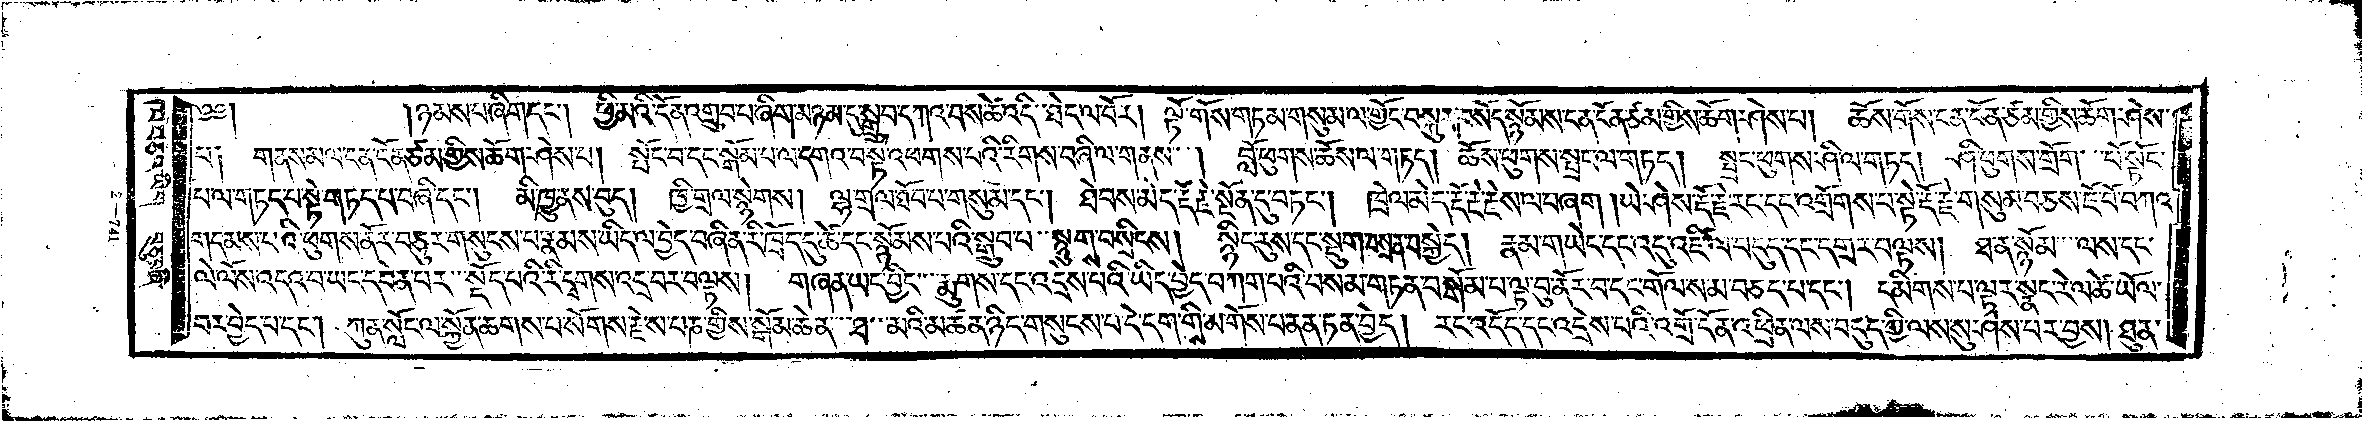༄༅། །ཉམས་པ་ཞིག་དང་། ཕྱི་མའི་དོན་འགྲུབ་པ་ཞིག་མཉམ་དུ་སྒྲུབ་དཀའ་བས་ཚེ་འདི་ཐེང་ལ་བོར། ལྟོ་གོས་གཏམ་གསུམ་ལ་གྱོང་བསྐུར། བསོད་སྙོམས་ངན་ངོན་ཙམ་གྱིས་ཆོས་ཤེས་པ། ཆོས་གོས་ངན་ངོན་ཙམ་གྱིས་ཆོག་ཤེས་
པ༑ གནས་མལ་ངན་དོན་ཙམ་གྱིས་ཆོག་ཤེས་པ། སྤོང་བ་དང་སྒོམ་པ་ལ་དགའ་བ་སྟེ་འཕགས་པའི་རིགས་བཞི་ལ་གནས། བློ་ཕུགས་ཆོས་ལ་གཏད། སྤྲང་ཕུགས་ཤི་ལ་གཏད། ཤི་ཕུགས་གྲོག་པོ་སྟོང་
པ་ལ་གཏད་པ་སྟེ་གཏད་པ་བཞི་དང་། མི་ཁྱུ་ནས་བུད། ཁྱི་གྲལ་སྙེགས། ལྷ་གྲལ་ཐོབ་པ་གསུམ་དང་། ཐེབས་མེད་རྡོ་རྗེ་སྔོན་དུ་བཏང་། ཁྲེལ་མེད་རྡོ་རྗེ་རྗེས་ལ་བཞག །ཡེ་ཤེས་རྡོ་རྗེ་རང་དང་འགྲོགས་པ་སྟེ་རྡོ་རྗེ་གསུམ་བཅས་ཇོ་བོ་བཀའ་
གདམས་པའི་ཕུགས་ནོར་བཅུར་གསུངས་པའི་རྣམས་ཡིད་ལ་བྱེད་བཞིན་རི་ཁྲོད་དུ་ཚེ་དང་སྙོམས་པའི་སྒྲུབ་པ་སྙུགས་བསྲིངས། སྙིང་རུས་དང་སྡུག་བསྲན་བསྐྱེད། རྣམ་གཡེང་དཔའ་དུ་འཛིལ་བདུད་དང་དགྲར་བལྟས། ཐན་སྙོམ་ལས་དང་
ལེ་ལོས་འདའ་བ་ཡང་དབེན་པར་སྡོད་པའི་རི་དྭགས་འདྲ་བར་བལྟས། གཞན་ཡང་བྱིང་རྨུགས་དང་འདྲེས་པའི་ཡིད་བྱེད་བཀག་པའི་བསམ་གཏན་བསྒོམ་པ་ལྟ་བུ་ནོར་བ་དང་གོ་ལས་མ་བཅད་པ་དང་། དམིགས་པ་ལྟར་སྣང་རེ་ལ་ཚེ་ཡོལ་
བར་བྱེད་པ་དང་། ཀུན་སློང་ལ་སྐྱོན་ཆགས་པ་སོགས་རྗེ་ས་པཎ་གྱིས་སྒོམ་ཆེན་ཐ་མའི་མཚན་ཉིད་གསུངས་པ་དེ་དག་གིས་མ་གོས་པ་ནན་ཏན་བྱེད། རང་འདོད་དང་འདྲེས་པའི་འགྲོ་དོན་འཕྲིན་ལས་བདུད་ཀྱི་ལས་སུ་ཤེས་པར་བྱས། ཐུན་